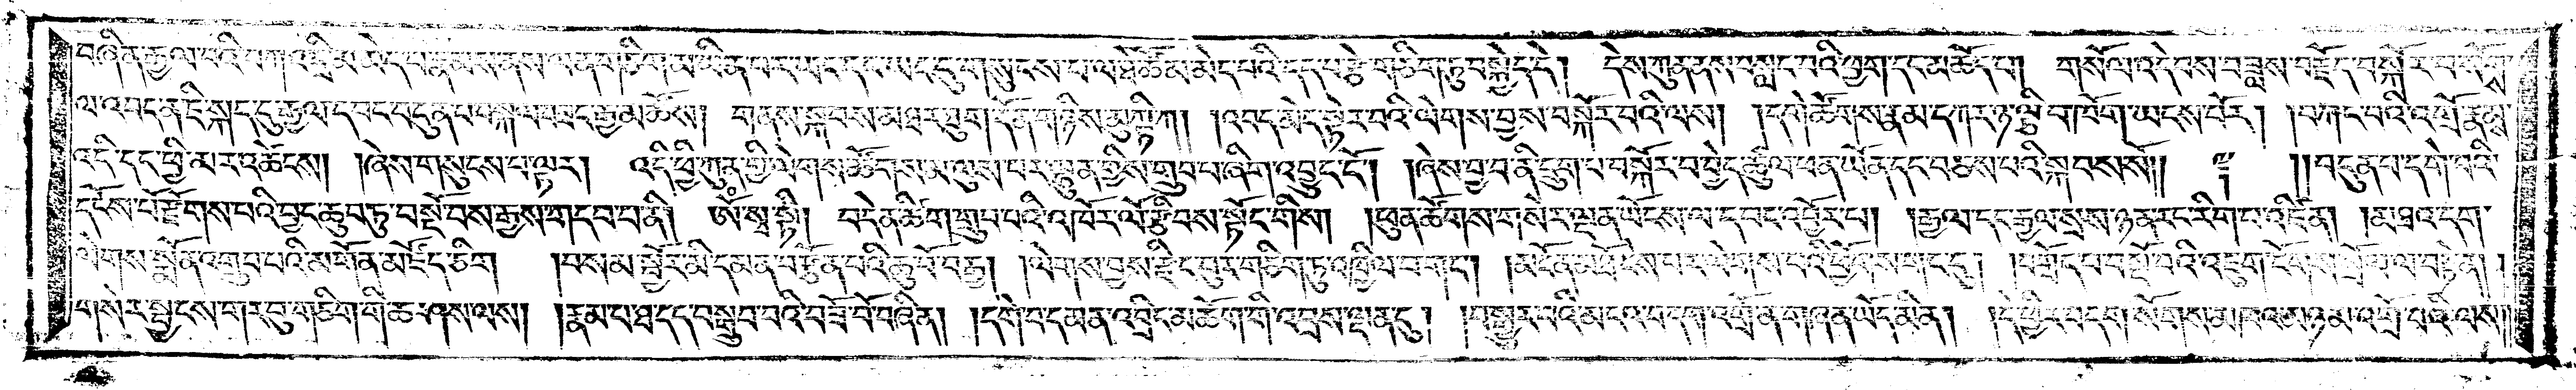བཞིན་རྒྱལ་བའི་བཀའ་དྲི་མ་མེད་པ་རྣམས་ནས་ལན་གཅིག་མ་ཡིན་པར་ཡང་དང་ཡང་དུ་གསུངས་པ་ལ་ཐེ་ཚོམ་མེད་པའི་དད་པ་རྩེ་གཅིག་ཏུ་བསྐྱེད་དེ། དེས་ཀུན་ནས་བསླང་བའི་ཕྱག་དང་མཆོད་པ། གསོལ་འདེབས་བཟླས་བརྗེད་བསྐོར་བ་སོགས་
ལ་འབད་ན་ཇི་སྐད་དུ་རྒྱལ་དབང་བདུན་བ་བསྐལ་བཟང་རྒྱ་མཆོས། གནས་སྐབས་མཐར་ཐུག་དོན་གཉིས་མུཀྟི་ཀ། །འབད་མེད་སྟེར་བའི་ལེགས་བྱས་བསྐོར་བའི་ལས། །དགེ་ཚོགས་རྣམ་དཀར་ཉ་ལྕི་བ་ཁོག་ཡངས་བོར། །བཀང་བའི་འགྲོ་རྣམས་
འདི་དང་ཕྱི་མར་འཚེངས། །ཞེས་གསུངས་པ་ལྟར། འདི་ཕྱི་ཀུན་གྱི་ལེགས་ཚོགས་མ་ལུས་པར་ལྷུན་གྱིས་གྲུབ་པ་ཞིག་འབྱུང་ངོ། །ཞེས་བྱ་བ་ནི་དྲུག་པ་བསྐོར་བ་བྱེད་ཚུལ་ཕན་ཡོན་དང་བཅས་པའི་སྐབས་སོ།། ༈ །།བདུན་པ་དགེ་བའི་
དངོས་པོ་རྫོགས་པའི་བྱང་ཆུབ་ཏུ་བསྔོ་བས་རྒྱས་གདབ་བ་ནི། ཨོཾ་སྭ་སྟི། བདེན་ཚིག་གྲུབ་པའི་འཁོར་ལོ་རྩིབས་སྟོང་གིས། །ཕུན་ཚོགས་གསེར་ལྡན་ཡོངས་ལ་དབང་འབྱོར་པ། །རྒྱལ་དང་རྒྱལ་སྲས་ཉན་རང་རིག་བ་འཛིན། །མཐའ་དག་
ལེགས་སྨོན་འགྲུབ་པའི་མགོན་མཛོད་ཅིག །བསམ་སྦྱོར་མི་དམན་བརྩོན་པའི་ཆུ་པོ་བརྒྱ། །ལེགས་བྱས་རྫིད་བུར་གཅིག་ཏུ་འཁྱིལ་བ་གང་། །མངོན་མཐོ་ངེས་པར་ལེགས་པའི་ཕྱོགས་གང་དུ། །བགྲོད་པ་བསྔོ་བའི་འཇུག་ངོགས་སྲོལ་ལ་བརྟེན། །
གསེར་སྦྱངས་གར་བུ་གཅིག་གི་ཆ་ཤས་ལས། །རྣམ་བ་ཐ་དད་བསྒྲུབ་བའི་བཟོ་བོ་བཞིན། །དགེ་བ་དམན་འབྲིང་མཆོག་གི་འབྲས་ལྡན་དུ། །བསྒྱུར་བའི་མངའ་བདག་འགྲོན་གཞན་ཡོད་མིན། །དེ་ཕྱིར་བདག་སོགས་མཁའ་མཉམ་འགྲོ་བའི་ལས།།